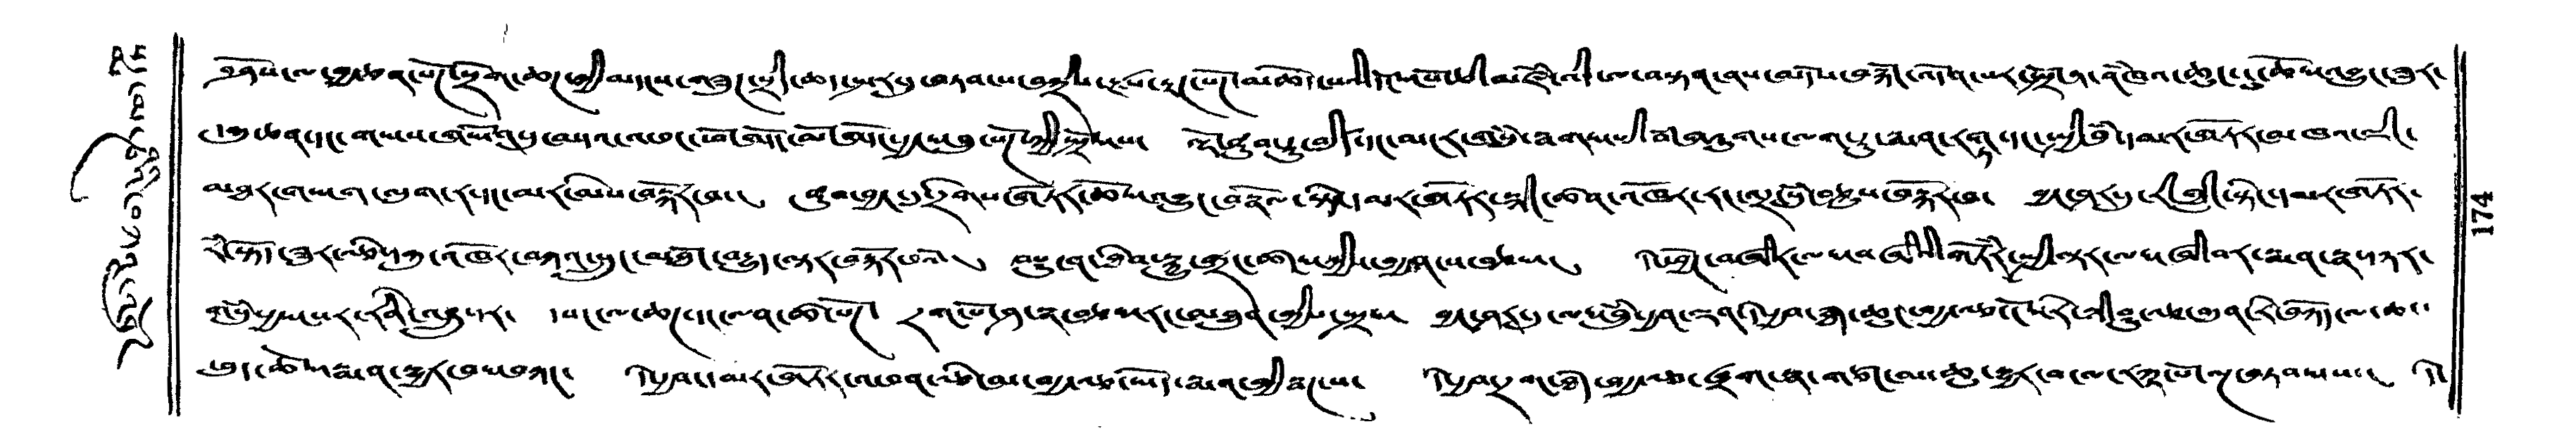བཤོས་ལ་བྱ་ཅན་སོགས་སྲོག་ཆགས་ཀྱི་མདངས་གཟུགས་སྲིད་ཚད་སྤར་དུ་བཏབ་པ་བཀྲ་ཤིས་རྫས་རྟགས་སོགས་མཆོད་པའི་དངོས་པོ་ཅི་འབྱོར། འདི་ལ་བརྟེན་ནས་མདོས་སྐོང་འདོན་པར་སྤྲོ་ན་ནམ་མཁའ་ཆུང་ངུ་ཆོས་འབྱུང་ཟུར་
དགུ་ཅན་དང་གཡས་གཡོན་དུ་མདའ་འཕང་ཕོ་གདོང་མོ་གདོང་རྒྱང་བུ་སོགས་ཀྱིས་སྤྲས་པ། ལྷོ་ནུབ་ཏུ་བདུད་རྩི་དང་མངར་གསུམ་སྦགས་པའི་བམ་གཟུགས་ལག་ཏུ་སྨན་རཀ་དང་སྤྱི་བོར་དམར་གཏོར་མཁའ་ལྡིང་
མཐར་གཡག་ལུག་ར་དང་མར་མེས་བསྐོར་བ། ནུབ་བྱང་དུ་དྲེགས་གཏོར་ཆོས་འབྱུང་བསྣོལ་བའི་སྟེང་དམར་གཏོར་སྙིང་ཚན་འཁོར་རང་འདྲ་སུམ་ཅུས་བསྐོར་བ། བྱང་ཤར་དུ་རི་གླིང་སྟེང་དམར་གཏོར་
རམ་སྟོད་ཟུར་རྩེ་དགུ་འཁོར་བཀའ་སྲུང་མཐོང་བརྒྱུད་ལྟར་གྱི་སྐོར་བའོ། བསྡུ་ན་མཐེབ་སྐྱུ་གྲངས་ཚགས་བརྒྱན་པ་བཅས། དེའི་ཕྱོགས་བཞིར་ལས་བཞིའི་གཏོར་མ་སྤྱི་ལྟར་ལས་ཞི་བར་སྨན་སྣ་དཀར་
གསུམ། རྒྱས་པར་རིན་ཆེན་འབྲུ་དར། དབང་ལ་ཆང་དང་ལན་ཚྭ་སོགས། དྲག་པོར་ཤ་སྣ་བཅས་རང་མཐུན་གྱིས་སྤྲས། བྱང་ཤར་དུ་ལས་བུམ་རྒྱན་ལྡན། དེ་རྒྱབ་ཐོད་ཆུང་བརྒྱ་རྩ་ངོས་རེར་ཉི་ཤུ་རྩ་བདུན་རེ་བཀོད་ལ་ཆང་
ཕུད་ཆོས་སྨན་སྦྱར་བས་དགང་། དེ་རྒྱབ་དམར་གཏོར་འཕན་རྩེ་མ་བརྒྱ་རྩ་སྨན་གྱིས་སྦགས་པ། དེ་རྒྱབ་དྲག་ཐོད་བརྒྱ་རྩ་ཁྲག་སྣ་གཙང་མ་ཆུར་སྦྱར་བ་ལ་རཀྟ་སོ་ལྔ་བཏབ་པ། དེ་